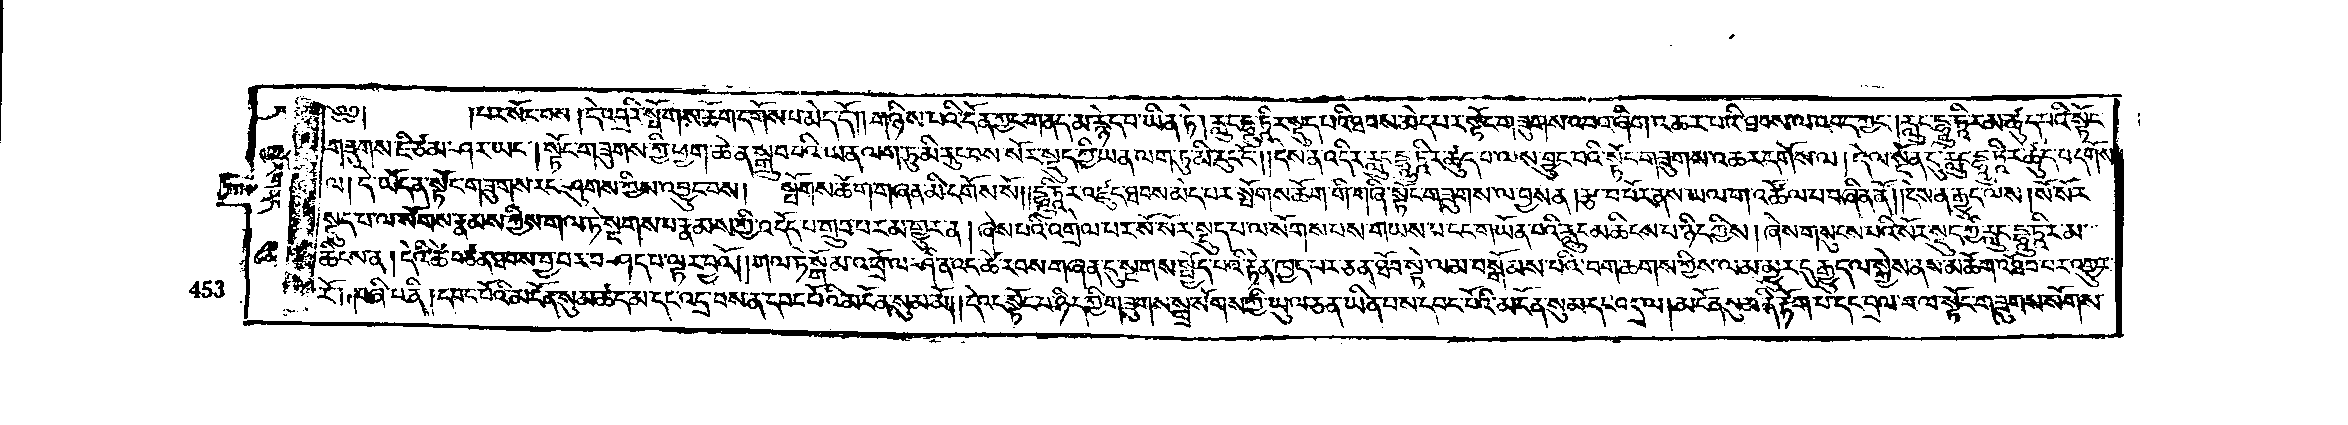༄༅། །པར་སོང་བས། དེ་འབྲ་རི་སྤོགས་ཆོག་དགོས་པ་མེད་དོ། །གཉིས་པའི་དོན་ཀྱང་གནད་མ་རྙེད་པ་ཡིན་ཏེ། རླུང་དྷཱུ་ཏཱིར་སྡུད་པའི་ཐབས་མེད་པར་སྟོང་གཟུགས་འབའ་ཞིག་འཆར་པའི་ཐབས་ལ་འབད་ཀྱང་། རླུང་དྷཱུ་ཏཱིར་མ་ཚུད་པའི་སྟོང་
གཟུགས་ཇི་ཙམ་ཤར་ཡང་། སྟོང་གཟུགས་ཀྱི་ཕྱག་ཆེ་ན་སྒྲུབ་པའི་ཡན་ལག་ཏུ་མི་རུང་བས་སོར་སྡུད་ཀྱི་ཡན་ལག་ཏུ་མི་རུང་ངོ། །དེས་ན་འདིར་རླུང་དྷཱུ་ཏཱིར་ཚུད་པ་ལས་བྱུང་བའི་སྟོང་གཟུགས་འཆར་དགོས་ལ། དེ་ལ་སྔོན་དུ་རླུང་དྷཱུ་ཏཱིར་ཚུད་པ་དགོས་
ལ། དེ་ཡོད་ན་སྟོང་གཟུགས་རང་ཤུགས་ཀྱིས་འབྱུང་བས། སྤོགས་ཆོག་གཞན་མི་དགོས་སོ། །དྷཱུ་ཏཱིར་འཛུད་ཐབས་མེད་པར་སྤོགས་ཆོག་གི་གཞི་སྟོང་གཟུགས་ལ་བྱས་ན། རྩ་བ་པོར་ནས་ཡལ་ག་འཚོལ་བ་བཞིན་ནོ། །དེས་ན་རྒྱུད་ལས། སོ་སོར་
སྡུད་པ་ལ་སོགས་རྣམས་ཀྱིས་གལ་ཏེ་སྔགས་པ་རྣམས་ཀྱི་འདོད་པ་གྲུབ་པར་མ་གྱུར་ན། ཞེས་པའི་འགྲེལ་པར་སོ་སོར་སྡུད་པ་ལ་སོགས་པས་གཡས་པ་དང་གཡོན་པའི་རླུང་མ་ཆིངས་པ་ཉིད་ཀྱིས། ཞེས་གསུངས་པའི་སོར་སྡུད་ཀྱི་རླུང་དྷཱུ་ཏཱིར་མ་
ཆིངས་ན། དེའི་ཚེ་བཙན་ཐབས་བྱ་བར་བཤད་པ་ལྟར་བྱའོ། །གལ་ཏེ་སྒོམ་འཕྲོ་ལ་ཤི་ནའང་ཚེ་རབས་གཞན་དུ་སྔགས་སྤྱོད་པའི་རྟེན་ཁྱད་པར་ཅན་ཐོབ་སྟེ་ལམ་བསྒོམས་པའི་བག་ཆགས་ཀྱིས་ལམ་མྱུར་དུ་རྒྱུད་ལ་སྐྱེས་ནས་མཆོག་འཐོབ་པར་འགྱུར་
རོ། །བཞི་པ་ནི། དབང་པོའི་མངོན་སུམ་ཚད་མ་དང་འདྲ་བས་ན་དབང་པོའི་མངོན་སུམ་མོ། །དེའང་སྟོང་པ་ཉིད་ཀྱི་གཟུགས་སྒྲ་སོགས་ཀྱི་ཡུལ་ཅན་ཡིན་པས་དབང་པོའི་མངོན་སུམ་དང་འདྲ་ལ། མངོན་སུམ་ནི་རྟོག་པ་དང་བྲལ་བ་ལ་སྟོང་གཟུགས་སོགས་